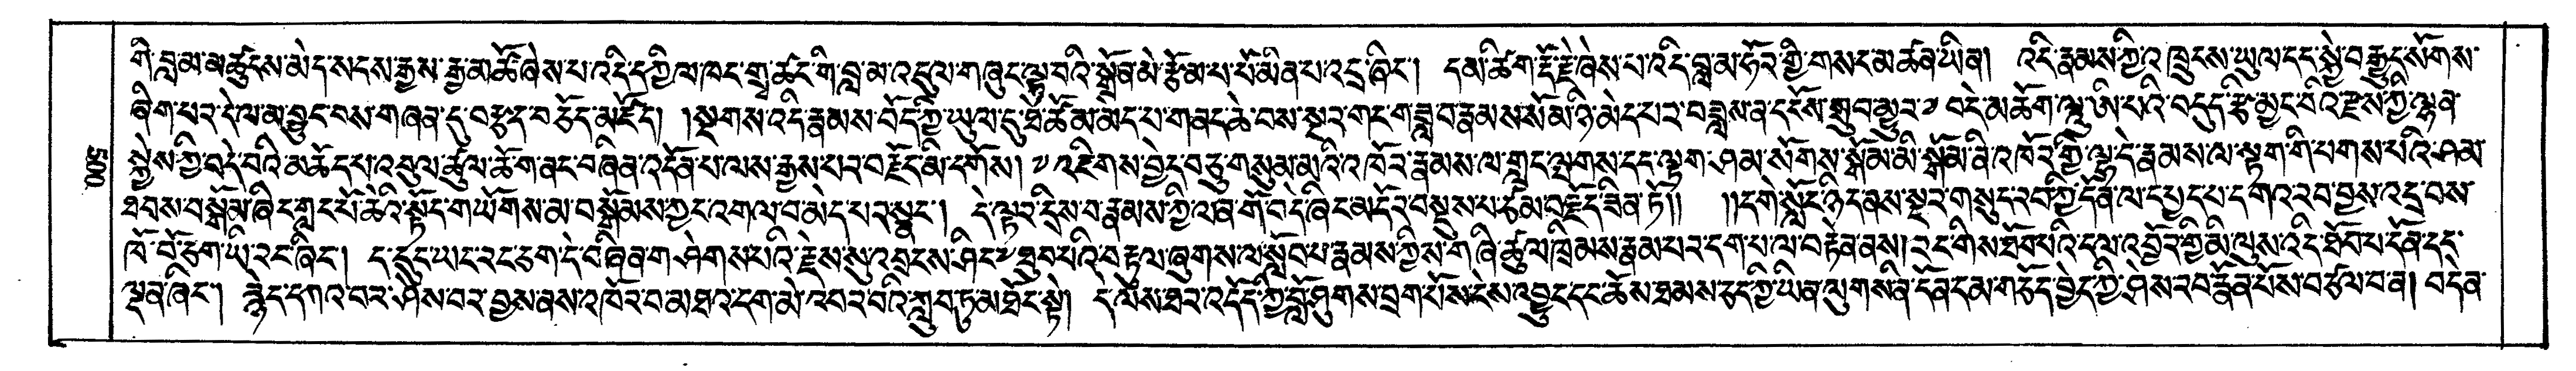གི་བླ་མ་མཚུངས་མེད་སངས་རྒྱས་རྒྱ་མཚོ་ཞེས་པ་འདི་དཀྱིལ་ཁང་གྲྭ་ཚང་གི་བླ་མ་འདུལ་གཞུང་ལྟ་བའི་སྒྲོན་མེ་རྩོམ་པ་པོ་མིན་པ་འདྲ་ཞིང་། དམ་ཚིག་རྡོ་རྗེ་ཞེས་པ་འདི་བླ་མ་ཧོར་གྱི་གསང་མཚན་ཡིན། འདི་རྣམས་ཀྱི་འཁྲུངས་ཡུལ་དང་སྐྱེ་བརྒྱུད་སོགས་
ཞིབ་པར་དེལ་མ་བྱུང་བས་གཞན་དུ་བརྩང་གཅོད་མཛོད། །སྔགས་འདི་རྣམས་བོད་ཀྱི་ཡུལ་དུ་ཐེ་ཚོམ་མེད་པ་གནད་ཆེ་བས་སྔར་གང་བཟླ་བ་རྣམས་སོམ་ཉི་མེད་པར་བཟླས་ན་དངོས་གྲུབ་མྱུར་༧་བདེ་མཆོག་ལཱུ་ཨི་པའི་བདུད་རྩི་མྱང་བའི་རྫས་ཀྱི་ལྷན་
སྐྱེས་ཀྱི་བདེ་པའི་མཆོད་པ་འབུལ་ཚུལ་ཆོ་ག་ནང་བཞིན་འདོན་པ་ལས་རྒྱས་པར་བརྗོད་མི་དགོས། ༧་འཇིགས་བྱེད་བཅུ་གསུམ་མའི་འཁོར་རྣམས་ལ་གླང་ལྤགས་དང་སྟག་ཤམ་སོགས་སྒོམ་མི་སྒོམ་ནི་འཁོར་གྱི་ལྷ་དེ་རྣམས་ལ་སྟག་གི་པགས་པའི་ཤམ་
ཐབས་བསྒོམ་ཞིང་གླང་པོ་ཆེའི་སྟོད་གཡོགས་མ་བསྒོམས་ཀྱང་འགལ་བ་མེད་པར་སྣང་། དེ་ལྟར་དྲིས་པ་རྣམས་ཀྱི་ལན་གོ་བདེ་ཞིང་མདོར་བསྡུས་བ་ཙམ་བརྗོད་ཟིན་ཏོ།། །།དགེ་སློང་ཉིད་ནས་སྔར་གསུང་རབ་ཀྱི་དོན་ལ་དཔྱད་པ་དགའ་རབ་བྱས་འདྲ་བས་
ཁོ་བོ་ཅག་ཡི་རང་ཞིང་། ད་དུང་ཡང་རང་ཅག་དེ་བཞིན་གཤེགས་པའི་རྗེས་སུ་འབྲངས་ཤིང་༧་ཐུབ་པའི་བརྟུལ་ཞུགས་ལ་སློབ་པ་རྣམས་ཀྱིས་གཞི་ཚུལ་ཁྲིམས་རྣམ་པར་དག་པ་ལ་བརྟེན་ནས། རང་གིས་ཐོབ་པའི་དལ་འབྱོར་གྱི་མི་ལུས་འདི་ཐོབ་པ་དོན་དང་
ལྡན་ཞིང་། རྙེད་དཀའ་བར་ཤེས་པར་བྱས་ནས་འཁོར་བ་མཐའ་དག་མེ་འབར་བའི་ཀླུབ་ཏུ་མཐོང་སྟེ། དེ་ལས་ཐར་འདོད་ཀྱི་བློ་ཤུགས་དྲག་པོས་དེས་འབྱུང་དང་ཆོས་ཐམས་ཅད་ཀྱི་ཡིན་ལུགས་ནི་དོན་དམ་གཅོད་བྱེད་ཀྱི་ཤེས་རབ་རྣོན་པོས་བཙལ་བ་ན། བདེན་